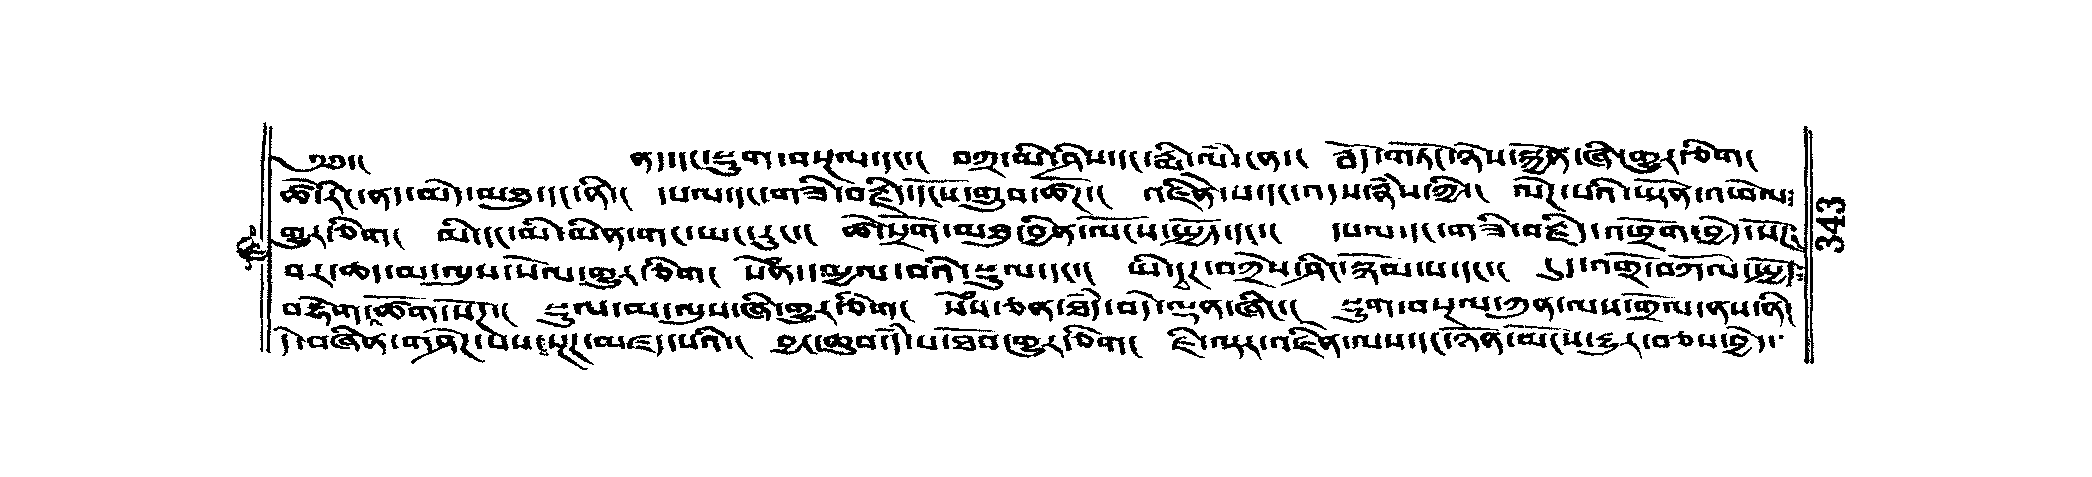ནད་དང་སྡུག་བསྔལ་དང་། །བཀྲ་མི་ཤིས་དང་རྨི་ལམ་ངན། །རྦོད་གཏོང་ཉེས་སྐྱོན་ཞི་གྱུར་ཅིག །
ཚེ་རིང་ནད་མེད་མཐུ་དང་ནི། །དཔལ་དང་གཟི་བརྗིད་དངོས་གྲུབ་ཚོགས། །འཇིག་རྟེན་པ་དང་འདས་རྣམས་ཀྱི། །ལེགས་པའི་ཡོན་ཏན་འཕེལ་
གྱུཏ་ཅིག །མི་དང་མི་མིན་གང་ཡང་རུང་། །ཚེ་སྲོག་མཐུ་བྱིན་ལོངས་སྤྱོད་དང་། །དཔལ་དང་གཟི་བརྗིད་འཕྲོག་བྱེད་སོགས། །
བར་ཆད་མ་ལུས་སོལ་གྱུར་ཅིག །སེམས་ཅན་མྱལ་བའི་སྡུག་བསྔལ་དང་། །ཡི་དྭགས་བཀྲེས་ཤིང་སྐོམ་པ་དང་། །དུད་འགྲོ་བཀོལ་སྤྱོད་
བརྡེག་འཚོག་སོགས། །སྡུག་བསྔལ་མ་ལུས་ཞི་གྱུར་ཅིག །སེམས་ཅན་ཐམས་ཅད་བདེ་ལྡན་ཞིང་། །སྡུག་བསྔལ་ཀུན་ལས་གྲོལ་ནས་ནི། །
དེ་བཞིན་གཤེགས་པས་སྔགས་མཛད་པའི། །བྱང་ཆུབ་དམ་པ་ཐོབ་གྱུར་ཅིག །ཇི་ལྟར་འཇིག་རྟེན་ལས་དང་ཉོན་མོངས་རྒྱུར་བཅས་བྱེད་